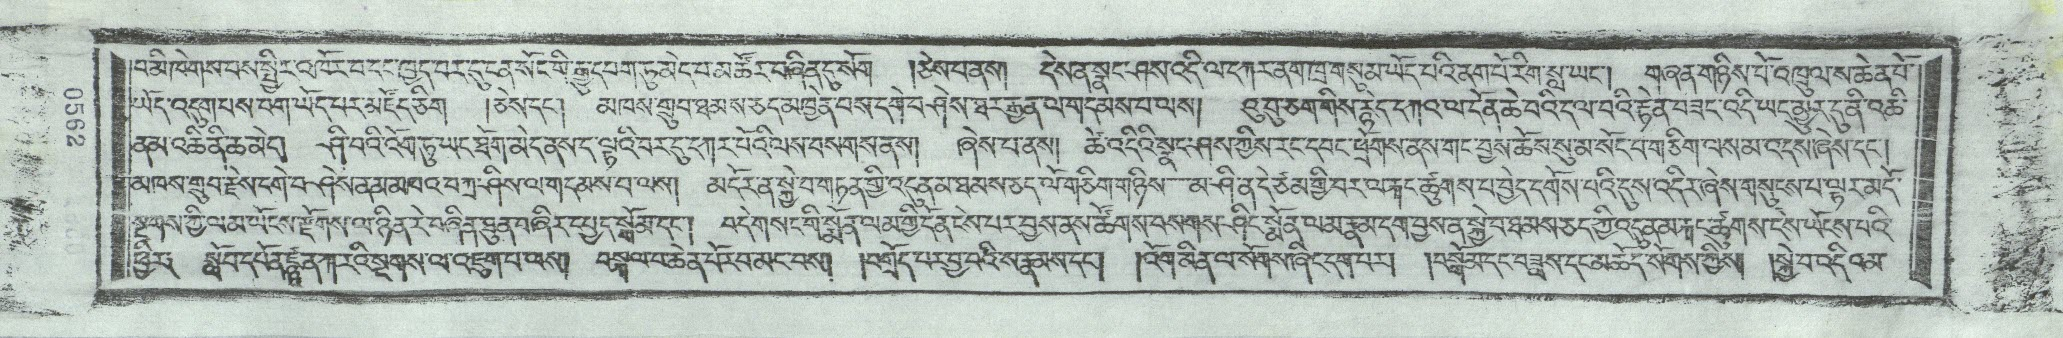པ་མི་ཁེགས་པས་སྤྱིར་འཁོར་བ་དང་ཁྱད་པར་དུ་ངན་སོང་གི་རྒྱུ་དཔག་ཏུ་མེད་པ་མཚོར་བཞིན་དུ་སོག །ཅེས་པ་ནས། དེས་ན་སྣང་ཤས་འདི་ལ་དཀར་ནག་ཁྲ་གསུམ་ཡོད་པའི་ནག་པོ་རིགས་ལ་ཡང་། གཞན་གཉིས་པོ་འཁྲུལ་ས་ཆེན་པོ་
ཡོད་འདུག་པས་བག་ཡོད་པར་མཛོད་ཅིག །ཅེས་དང་། མཁས་གྲུབ་ཐམས་ཅད་མཁྱེན་པས་དགེ་བཤེས་ཐར་རྒྱན་ལ་གདམས་པ་ལས། འུ་བུ་ཅག་གིས་རྙེད་དཀའ་ལ་དོན་ཆེ་བའི་དལ་བའི་རྟེན་བཟང་འདི་ཡང་མྱུར་དུ་ནི་འཆི་
ནམ་འཆི་ནི་ཆ་མེད། ཤི་བའི་འོག་ཏུ་ཡང་ཐོག་མེད་ནས་ད་ལྟའི་བར་དུ་དཀར་པོའི་ལས་བསགས་ནས། ཞེས་པ་ནས། ཚེ་འདིའི་སྣང་ཤས་ཀྱིས་རང་དབང་ཕྲོགས་ནས་གང་བྱས་ཆོས་སུ་མ་སོང་བ་གཅིག་ལས་མ་འདས་ཞེས་དང་།
མཁས་གྲུབ་རྗེས་དགེ་བཤེས་ནམ་མཁའ་བཀྲ་ཤིས་ལ་གདམས་པ་ལས། མདོར་ན་སྐྱེ་བ་གཏན་གྱི་འདུན་མ་ཐམས་ཅད་ལོ་གཅིག་གཉིས་མ་ཤི་ན་དེ་ཙམ་གྱི་བར་ལ་རྐང་ཚུགས་པ་བྱེད་དགོས་པའི་དུས་འདིར་ཞེས་གསུངས་པ་ལྟར་མདོ་
སྔགས་ཀྱི་ལམ་ཡོངས་རྫོགས་ལ་ཉིན་རེ་བཞིན་ཐུན་བཞིར་དཔྱད་སྒོམ་དང་། བདེ་གསང་གི་སྨོན་ལམ་གྱི་དོན་ངེས་པར་བྱས་ནས་ཚོགས་བསགས་ཤིང་སྨོན་ལམ་རྣམ་དག་བྱས་ན་སྐྱེ་བ་ཐམས་ཅད་ཀྱི་འདུན་མ་རྐང་ཚུགས་ངེས་ཡོངས་པའི་
ཕྱིར༑ སློབ་དཔོན་ཛྙཱ་ན་ཀ་རའི་སྔགས་ལ་འཇུག་པ་ལས། བསྐལ་བ་ཆེན་པོར་བ་མང་བས། །བགྲོད་པར་བྱ་བའི་ས་རྣམས་དང་། །འོག་མིན་ལ་སོགས་ཞིང་དག་པར། །བསྒོམ་དང་བཟླས་དང་མཆོད་སོགས་ཀྱིས། །སྐྱེ་བ་འདིའམ་